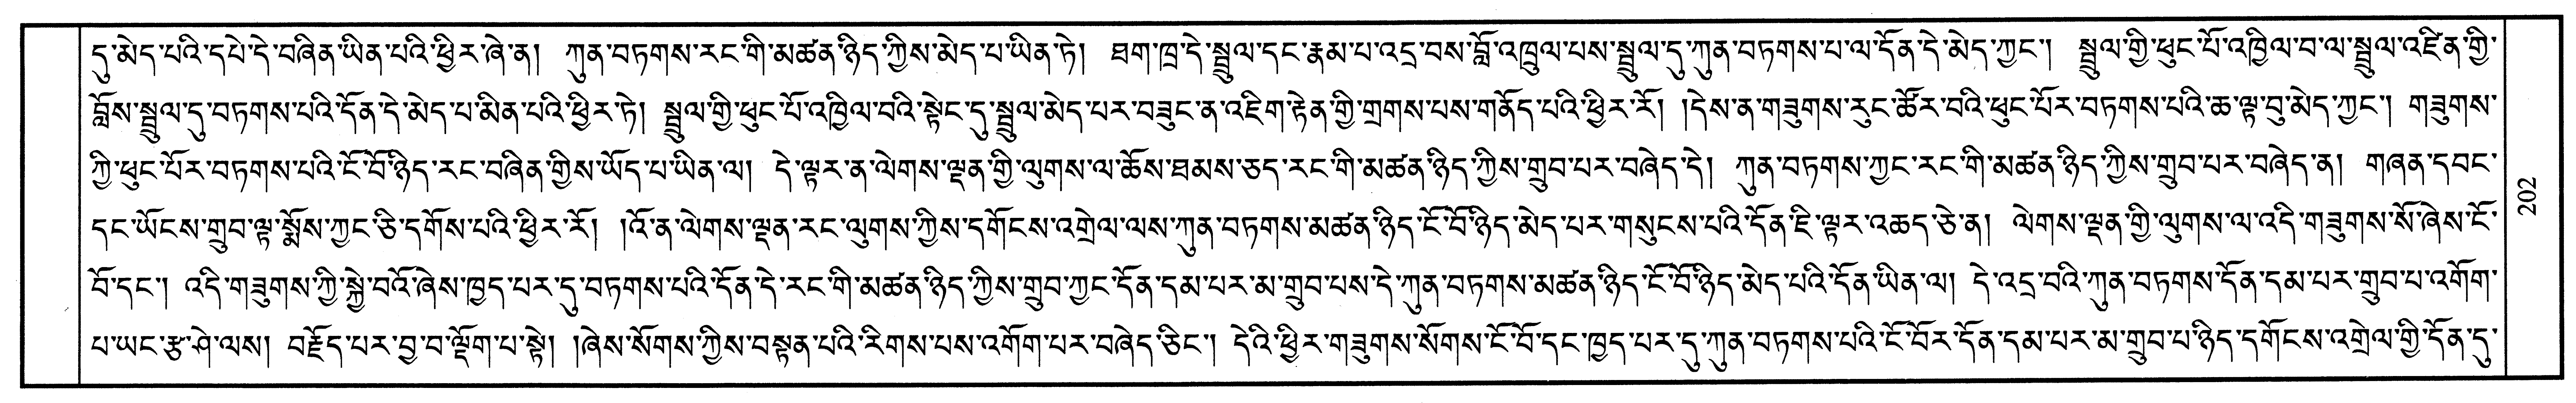དུ་མེད་པའི་དཔེ་དེ་བཞིན་ཡིན་པའི་ཕྱིར་ཞེ་ན། ཀུན་བཏགས་རང་གི་མཚན་ཉིད་ཀྱིས་མེད་པ་ཡིན་ཏེ། ཐག་ཁྲ་དེ་སྦྲུལ་དང་རྣམ་པ་འདྲ་བས་བློ་འཁྲུལ་པས་སྦྲུལ་དུ་ཀུན་བཏགས་པ་ལ་དོན་དེ་མེད་ཀྱང་། སྦྲུལ་གྱི་ཕུང་པོ་འཁྱིལ་བ་ལ་སྦྲུལ་འཛིན་གྱི་
བློས་སྦྲུལ་དུ་བཏགས་པའི་དོན་དེ་མེད་པ་མིན་པའི་ཕྱིར་ཏེ། སྦྲུལ་གྱི་ཕུང་པོ་འཁྱིལ་བའི་སྟེང་དུ་སྦྲུལ་མེད་པར་བཟུང་ན་འཇིག་རྟེན་གྱི་གྲགས་པས་གནོད་པའི་ཕྱིར་རོ། །དེས་ན་གཟུགས་རུང་ཚོར་བའི་ཕུང་པོར་བཏགས་པའི་ཆ་ལྟ་བུ་མེད་ཀྱང་། གཟུགས་
ཀྱི་ཕུང་པོར་བཏགས་པའི་ངོ་བོ་ཉིད་རང་བཞིན་གྱིས་ཡོད་པ་ཡིན་ལ། དེ་ལྟར་ན་ལེགས་ལྡན་གྱི་ལུགས་ལ་ཆོས་ཐམས་ཅད་རང་གི་མཚན་ཉིད་ཀྱིས་གྲུབ་པར་བཞེད་དེ། ཀུན་བཏགས་ཀྱང་རང་གི་མཚན་ཉིད་ཀྱིས་གྲུབ་པར་བཞེད་ན། གཞན་དབང་
དང་ཡོངས་གྲུབ་ལྟ་སྨོས་ཀྱང་ཅི་དགོས་པའི་ཕྱིར་རོ། །འོ་ན་ལེགས་ལྡན་རང་ལུགས་ཀྱིས་དགོངས་འགྲེལ་ལས་ཀུན་བཏགས་མཚན་ཉིད་ངོ་བོ་ཉིད་མེད་པར་གསུངས་པའི་དོན་ཇི་ལྟར་འཆད་ཅེ་ན། ལེགས་ལྡན་གྱི་ལུགས་ལ་འདི་གཟུགས་སོ་ཞེས་ངོ་
བོ་དང་། འདི་གཟུགས་ཀྱི་སྐྱེ་བའོ་ཞེས་ཁྱད་པར་དུ་བཏགས་པའི་དོན་དེ་རང་གི་མཚན་ཉིད་ཀྱིས་གྲུབ་ཀྱང་དོན་དམ་པར་མ་གྲུབ་པས་དེ་ཀུན་བཏགས་མཚན་ཉིད་ངོ་བོ་ཉིད་མེད་པའི་དོན་ཡིན་ལ། དེ་འདྲ་བའི་ཀུན་བཏགས་དོན་དམ་པར་གྲུབ་པ་འགོག་
པ་ཡང་རྩ་ཤེ་ལས། བརྗོད་པར་བྱ་བ་ལྡོག་པ་སྟེ། །ཞེས་སོགས་ཀྱིས་བསྟན་པའི་རིགས་པས་འགོག་པར་བཞེད་ཅིང་། དེའི་ཕྱིར་གཟུགས་སོགས་ངོ་བོ་དང་ཁྱད་པར་དུ་ཀུན་བཏགས་པའི་ངོ་བོར་དོན་དམ་པར་མ་གྲུབ་པ་ཉིད་དགོངས་འགྲེལ་གྱི་དོན་དུ་